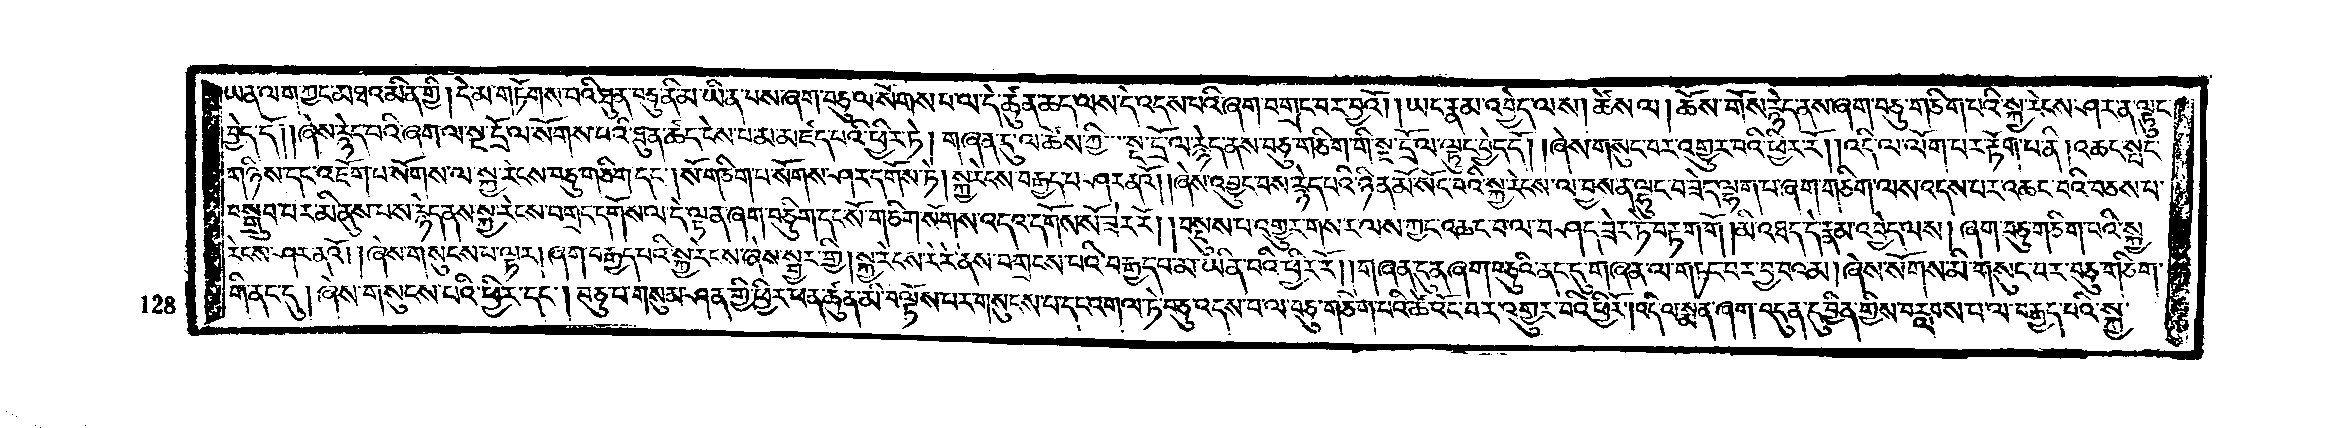ཡན་ལག་ཀྱང་མཐའ་མིན་གྱི། དེ་མ་གཏོགས་པའི་ཐུན་བཅུ་ནི་མ་ཡིན་པས་ཞག་བཅུ་མ་སོགས་པ་ལ་དེ་ཚུན་ཆད་ལས་དེ་འདས་པའི་ཞག་བྲང་བར་བྱའོ། །ཡང་རྣམ་འབྱེད་ལས། ཚེས་ལ། ཆོས་གིས་རྙེད་ནས་ཞག་བཅུ་གཅིག་པའི་སྐྱ་རེངས་ཤར་ན་ལྟུང་
བྱེད་དོ། །ཞེས་རྙེད་པའི་ཞག་ལ་སྔ་དྲེ་ལ་སོགས་པའི་ཐུན་ཚང་ངེས་པ་མ་མཛད་པའི་ཕྱིར་ཏེ། གཞན་དུ་ལ་ཚེས་ཀྱི་སྔ་དྲོལ་རྙེད་ནས་བཅུ་གཅིག་གི་སྔ་དྲོལ་ལྟུང་བྱེད་དོ། །ཞེས་གསུང་བར་འགྱུར་བའི་ཕྱིར་རོ། །འདི་ལ་ལོག་པར་རྟོག་པ་ནི། འཆང་སྤང་
གཉིས་དང་འཇོག་པ་སོགས་ལ་སྐྱ་རེངས་བཅུ་གཅིག་དང་། སོ་གཅིག་པ་སོགས་ཤར་དགོས་ཏེ། སྐྱ་རེངས་བརྒྱད་པ་ཤར་ནའོ། །ཞེས་འབྱུང་བས་རྙེད་པའི་ཉིན་མོ་སོང་བའི་སྐྱ་རེངས་ལ་བྱས་ན་ལྟུང་བ་ཟེད་ལྷག་པ་ཞག་གཅིག་ལས་འདས་པར་འཆང་བའི་བཅས་པ་
བསྒྲུབ་པར་མི་ནུས་པས་རྙེད་ནས་སྐྱ་རེངས་འགྲང་དགོས་ལ་དེ་ལྟ་ན་ཞག་བཅུ་གཅིག་དང་སོ་གཅིག་སོགས་འདའ་དགོས་སོ་ཟེར་རོ། །བསྡུས་པ་འགྱུར་གསར་ལས་ཀྱང་འཆང་བ་ལ་བཤད་ཟེར་ཏེ་བརྟག་གོ །མི་འཐད་དེ་རྣམ་འབྱེད་ལས། ཞག་བཅུ་གཅིག་པའི་སྐྱ་
རེངས་ཤར་ནའོ། །ཞེས་གསུངས་པ་ལྟར། ཞག་བརྒྱ་དཔའི་སྐྱ་རེངས་ཞེས་སྦྱར་གྱི། སྐྱ་རོངས་རེ་རེ་ནས་བཀྲངས་པའི་བརྒྱད་པ་མ་ཡིན་པའི་ཕྱིར་རོ། །གྷན་དུ་ན་ཞག་བཅུའི་ནང་དུ་གཞན་ལ་གཏང་བར་བྱ་བའམ། ཞེས་སོགས་མི་གསུང་བར་བཅུ་གཅིག་
གི་ནང་དུ། ཞེས་གསུངས་པའི་ཕྱིར་དང་། བཅུ་པ་གསུམ་ཤན་གྱི་ཕྱིར་ཕན་ཚུན་མ་བལྟོས་པར་གསུངས་པ་དང་འགལ་ཏེ་བཅུ་འདས་པ་ལ་བཅུ་གཅིག་པའི་ཚེ་འོང་བར་འགྱུར་བའི་ཕྱིར་རོ། །འདི་ལ་སྨན་ཞག་བདུན་དུ་བྱིན་གྱིས་བརླབས་པ་ལ་བརྒྱད་པའི་སྐྱ་